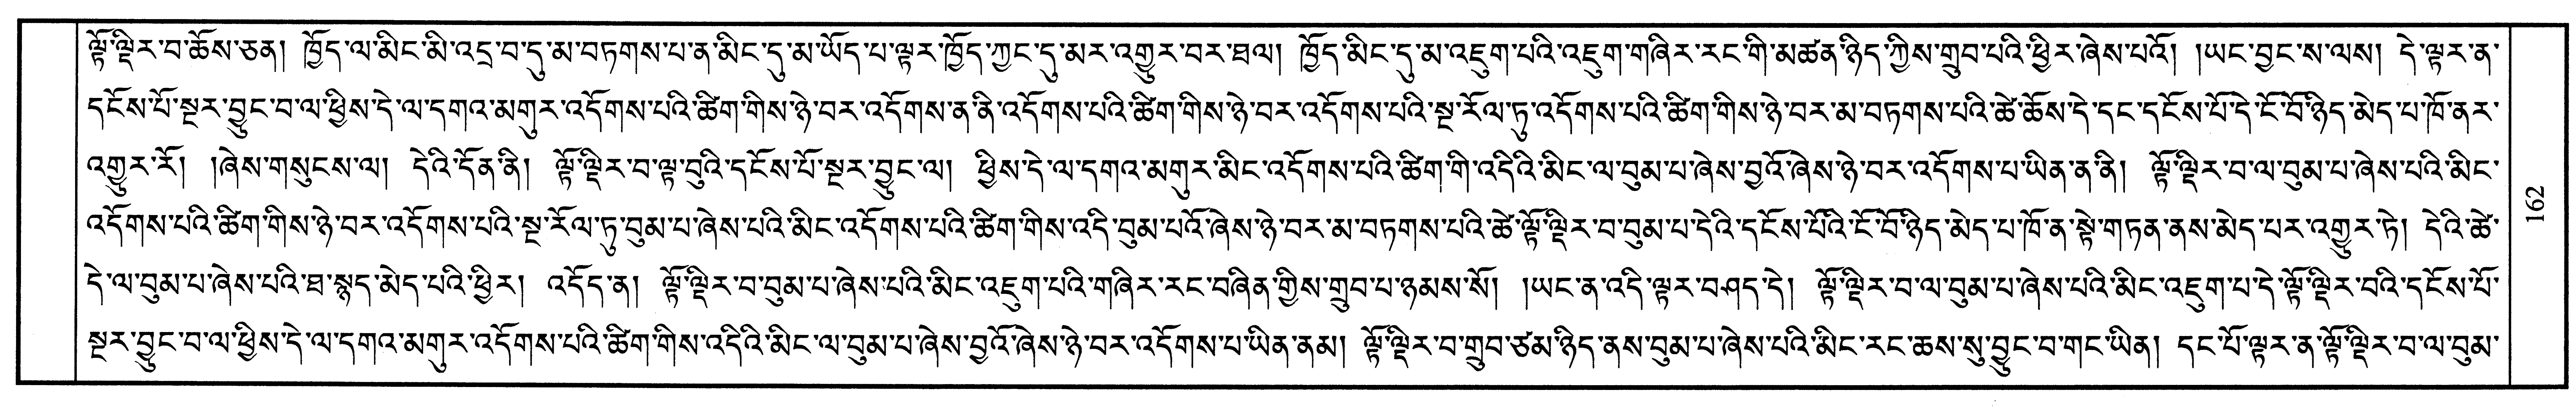ལྟོ་ལྡིར་བ་ཆོས་ཅན། ཁྱོད་ལ་མིང་མི་འདྲ་བ་དུ་མ་བཏགས་པ་ན་མིང་དུ་མ་ཡོད་པ་ལྟར་ཁྱོད་ཀྱང་དུ་མར་འགྱུར་བར་ཐལ། ཁྱོད་མིང་དུ་མ་འཇུག་པའི་འཇུག་གཞིར་རང་གི་མཚན་ཉིད་ཀྱིས་གྲུབ་པའི་ཕྱིར་ཞེས་པའོ། །ཡང་བྱང་ས་ལས། དེ་ལྟར་ན་
དངོས་པོ་སྔར་བྱུང་བ་ལ་ཕྱིས་དེ་ལ་དགའ་མགུར་འདོགས་པའི་ཚིག་གིས་ཉེ་བར་འདོགས་ན་ནི་འདོགས་པའི་ཚིག་གིས་ཉེ་བར་འདོགས་པའི་སྔ་རོལ་ཏུ་འདོགས་པའི་ཚིག་གིས་ཉེ་བར་མ་བཏགས་པའི་ཚེ་ཆོས་དེ་དང་དངོས་པོ་དེ་ངོ་བོ་ཉིད་མེད་པ་ཁོ་ནར་
འགྱུར་རོ། །ཞེས་གསུངས་ལ། དེའི་དོན་ནི། ལྟོ་ལྡིར་བ་ལྟ་བུའི་དངོས་པོ་སྔར་བྱུང་ལ། ཕྱིས་དེ་ལ་དགའ་མགུར་མིང་འདོགས་པའི་ཚིག་གི་འདིའི་མིང་ལ་བུམ་པ་ཞེས་བྱའོ་ཞེས་ཉེ་བར་འདོགས་པ་ཡིན་ན་ནི། ལྟོ་ལྡིར་བ་ལ་བུམ་པ་ཞེས་པའི་མིང་
འདོགས་པའི་ཚིག་གིས་ཉེ་བར་འདོགས་པའི་སྔ་རོལ་ཏུ་བུམ་པ་ཞེས་པའི་མིང་འདོགས་པའི་ཚིག་གིས་འདི་བུམ་པའོ་ཞེས་ཉེ་བར་མ་བཏགས་པའི་ཚེ་ལྟོ་ལྡིར་བ་བུམ་པ་དེའི་དངོས་པོའི་ངོ་བོ་ཉིད་མེད་པ་ཁོ་ན་སྟེ་གཏན་ནས་མེད་པར་འགྱུར་ཏེ། དེའི་ཚེ་
དེ་ལ་བུམ་པ་ཞེས་པའི་ཐ་སྙད་མེད་པའི་ཕྱིར། འདོད་ན། ལྟོ་ལྡིར་བ་བུམ་པ་ཞེས་པའི་མིང་འཇུག་པའི་གཞིར་རང་བཞིན་གྱིས་གྲུབ་པ་ཉམས་སོ། །ཡང་ན་འདི་ལྟར་བཤད་དེ། ལྟོ་ལྡིར་བ་ལ་བུམ་པ་ཞེས་པའི་མིང་འཇུག་པ་དེ་ལྟོ་ལྡིར་བའི་དངོས་པོ་
སྔར་བྱུང་བ་ལ་ཕྱིས་དེ་ལ་དགའ་མགུར་འདོགས་པའི་ཚིག་གིས་འདིའི་མིང་ལ་བུམ་པ་ཞེས་བྱའོ་ཞེས་ཉེ་བར་འདོགས་པ་ཡིན་ནམ། ལྟོ་ལྡིར་བ་གྲུབ་ཙམ་ཉིད་ནས་བུམ་པ་ཞེས་པའི་མིང་རང་ཆས་སུ་བྱུང་བ་གང་ཡིན། དང་པོ་ལྟར་ན་ལྟོ་ལྡིར་བ་ལ་བུམ་